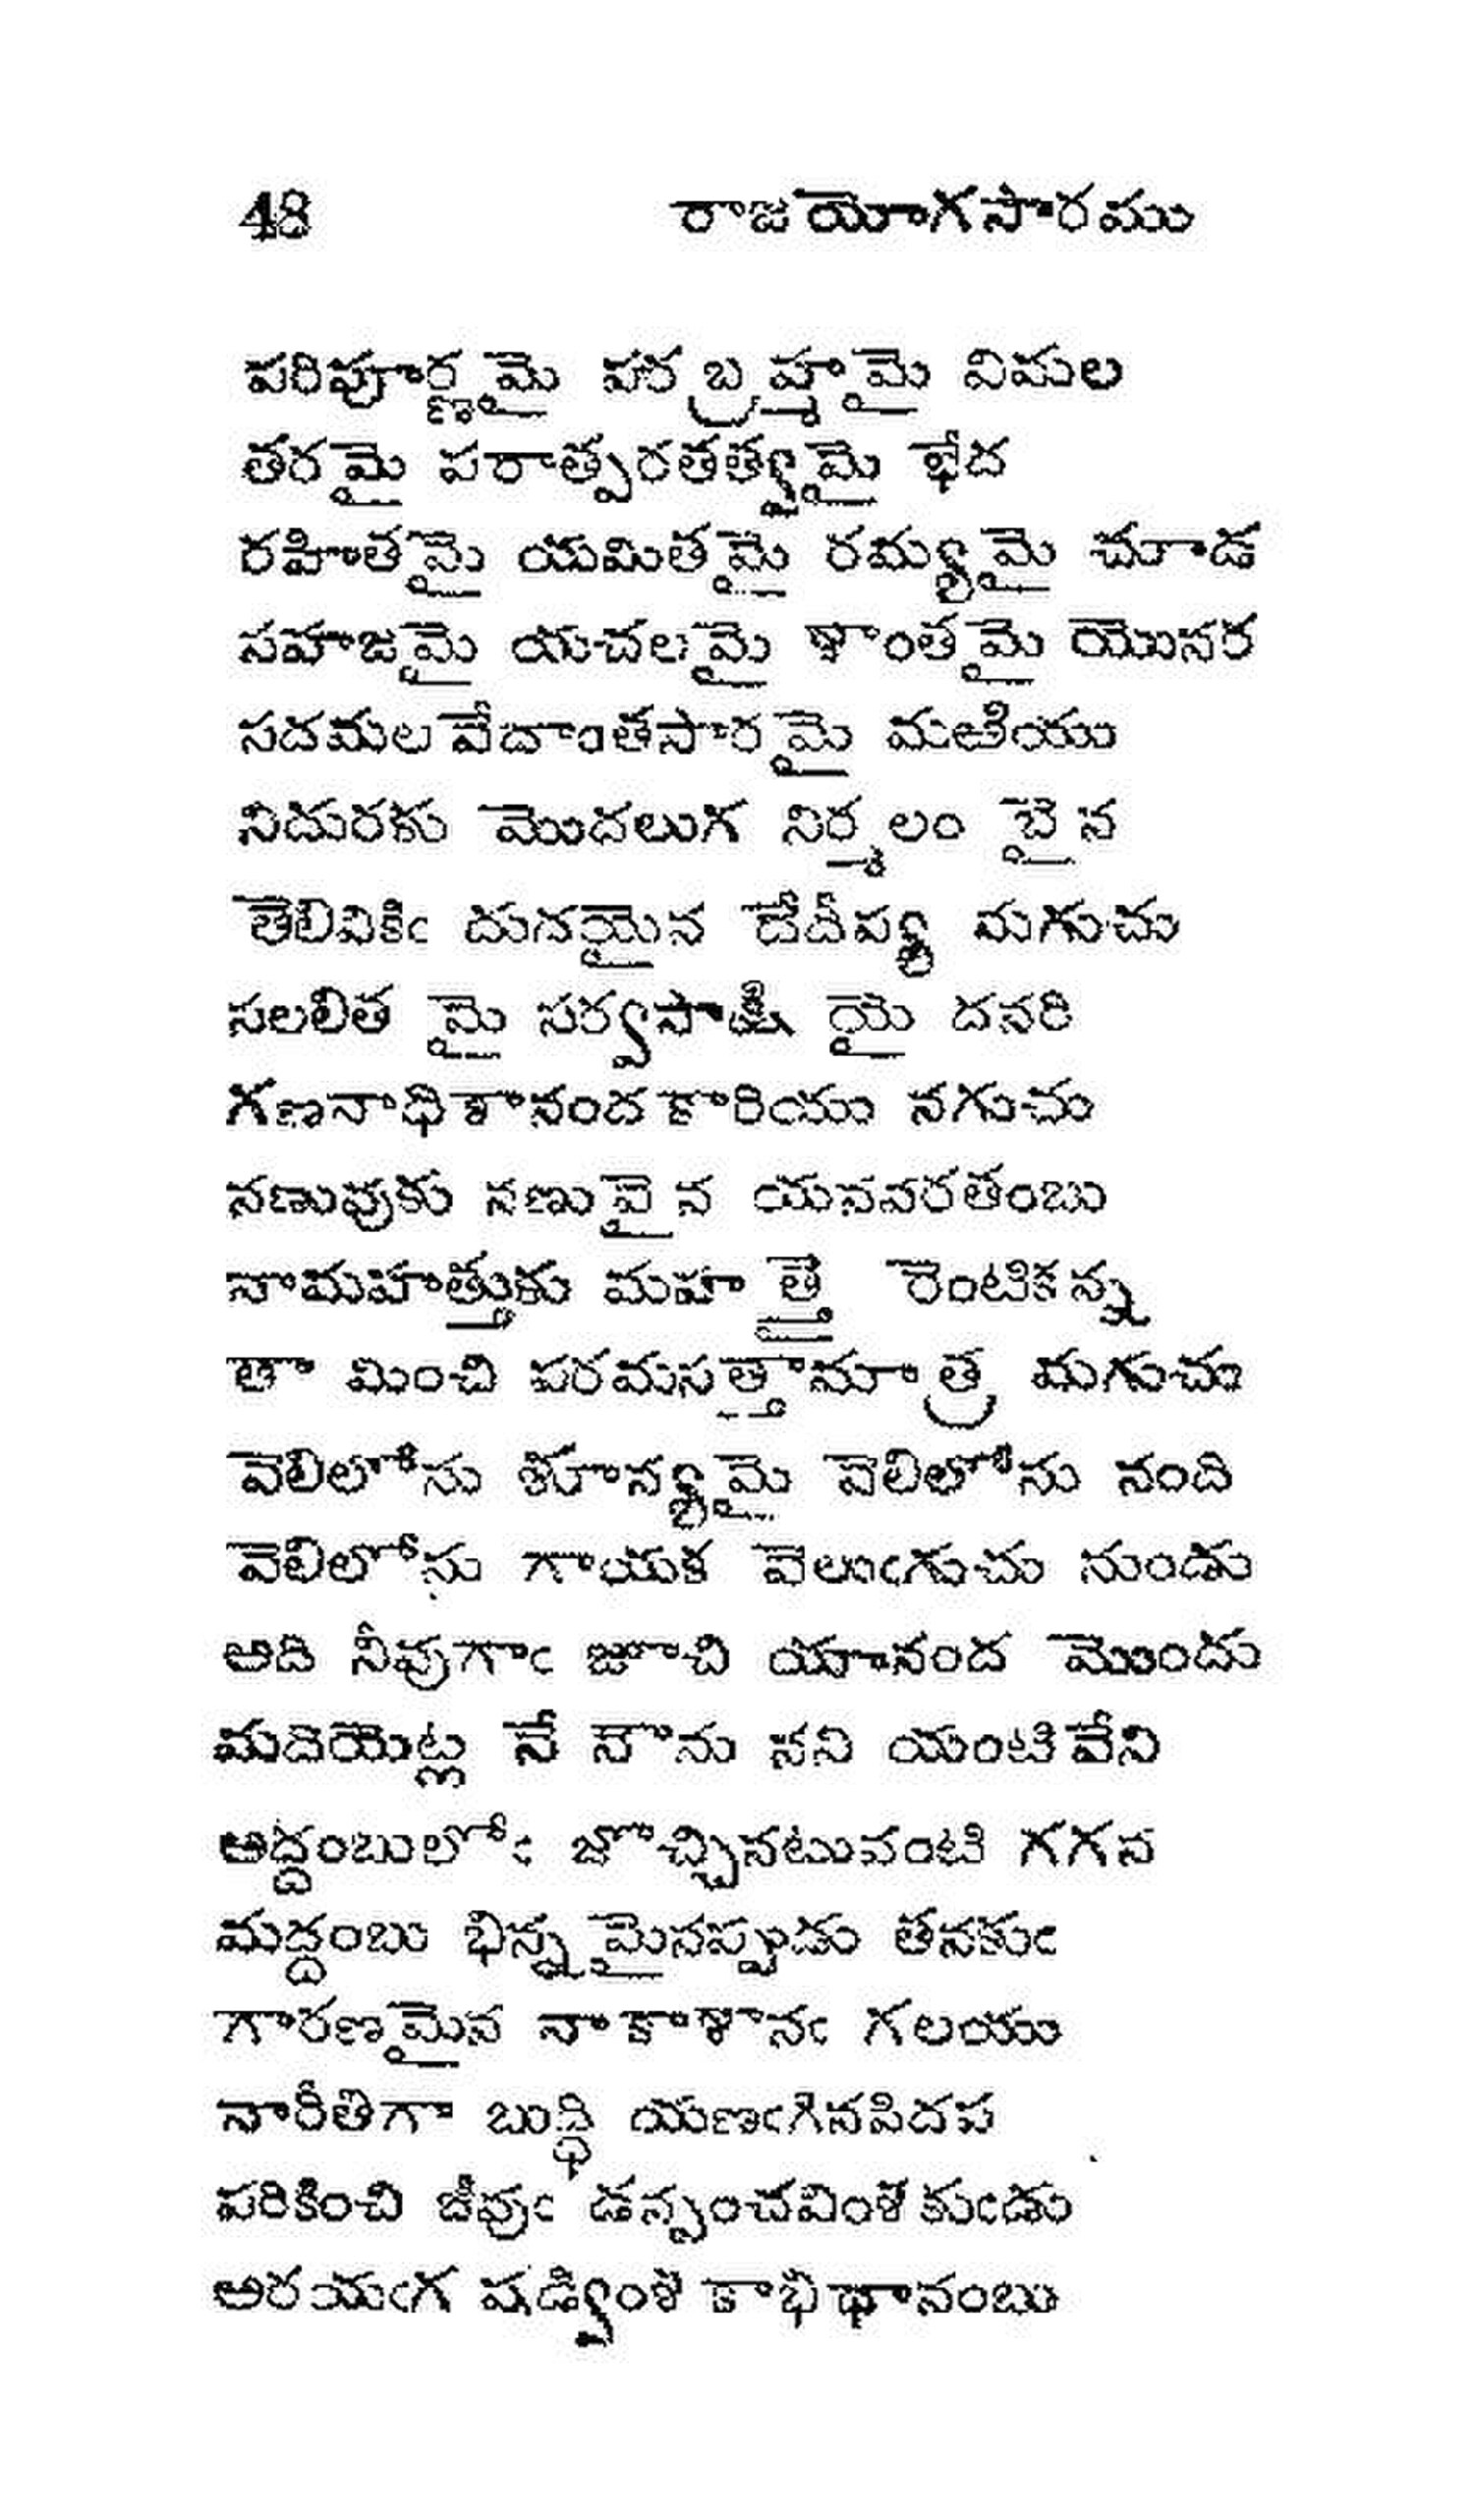పరిపూర్ణమై పరబ్రహ్మమై విమల
తరమై పరాత్పరతత్వమై భేద
రహితమై యమితమై రమ్యమై చూడ
సహజమై యచలమై శాంతమై యొనర
సదమలవేదాంతసారమై మఱియు
నిదురకు మొదలుగ నిర్మలం బైన
తెలివికిఁ దుదయైన దేదీప్య మగుచు
సలలిత మై సర్వసాక్షి యై దనరి 
గణనాధికానందకారియు నగుచు
నణువుకు నణువైన యనవరతంబు
నామహత్తుకు మహత్తై రెంటికన్న
తా మించి పరమసత్తామాత్ర మగుచు
వెలిలోను శూన్యమై వెలిలోను నంది
వెలిలోను గాయక వెలుఁగుచు నుండు
అది నీవుగాఁ జూచి యానంద మొందు
మదియెట్ల నే నౌను నని యంటివేని
అద్దంబులోఁ జొచ్చినటువంటి గగన
మద్దంబు భిన్నమైనప్పుడు తనకుఁ
గారణమైన నాకాశానఁ గలయు
నారీతిగా బుద్ధి యణఁగినపిదప
పరికించి జీవుఁ డన్పంచవింశకుఁడు
అరయఁగ షడ్వింశకాభిధానంబు